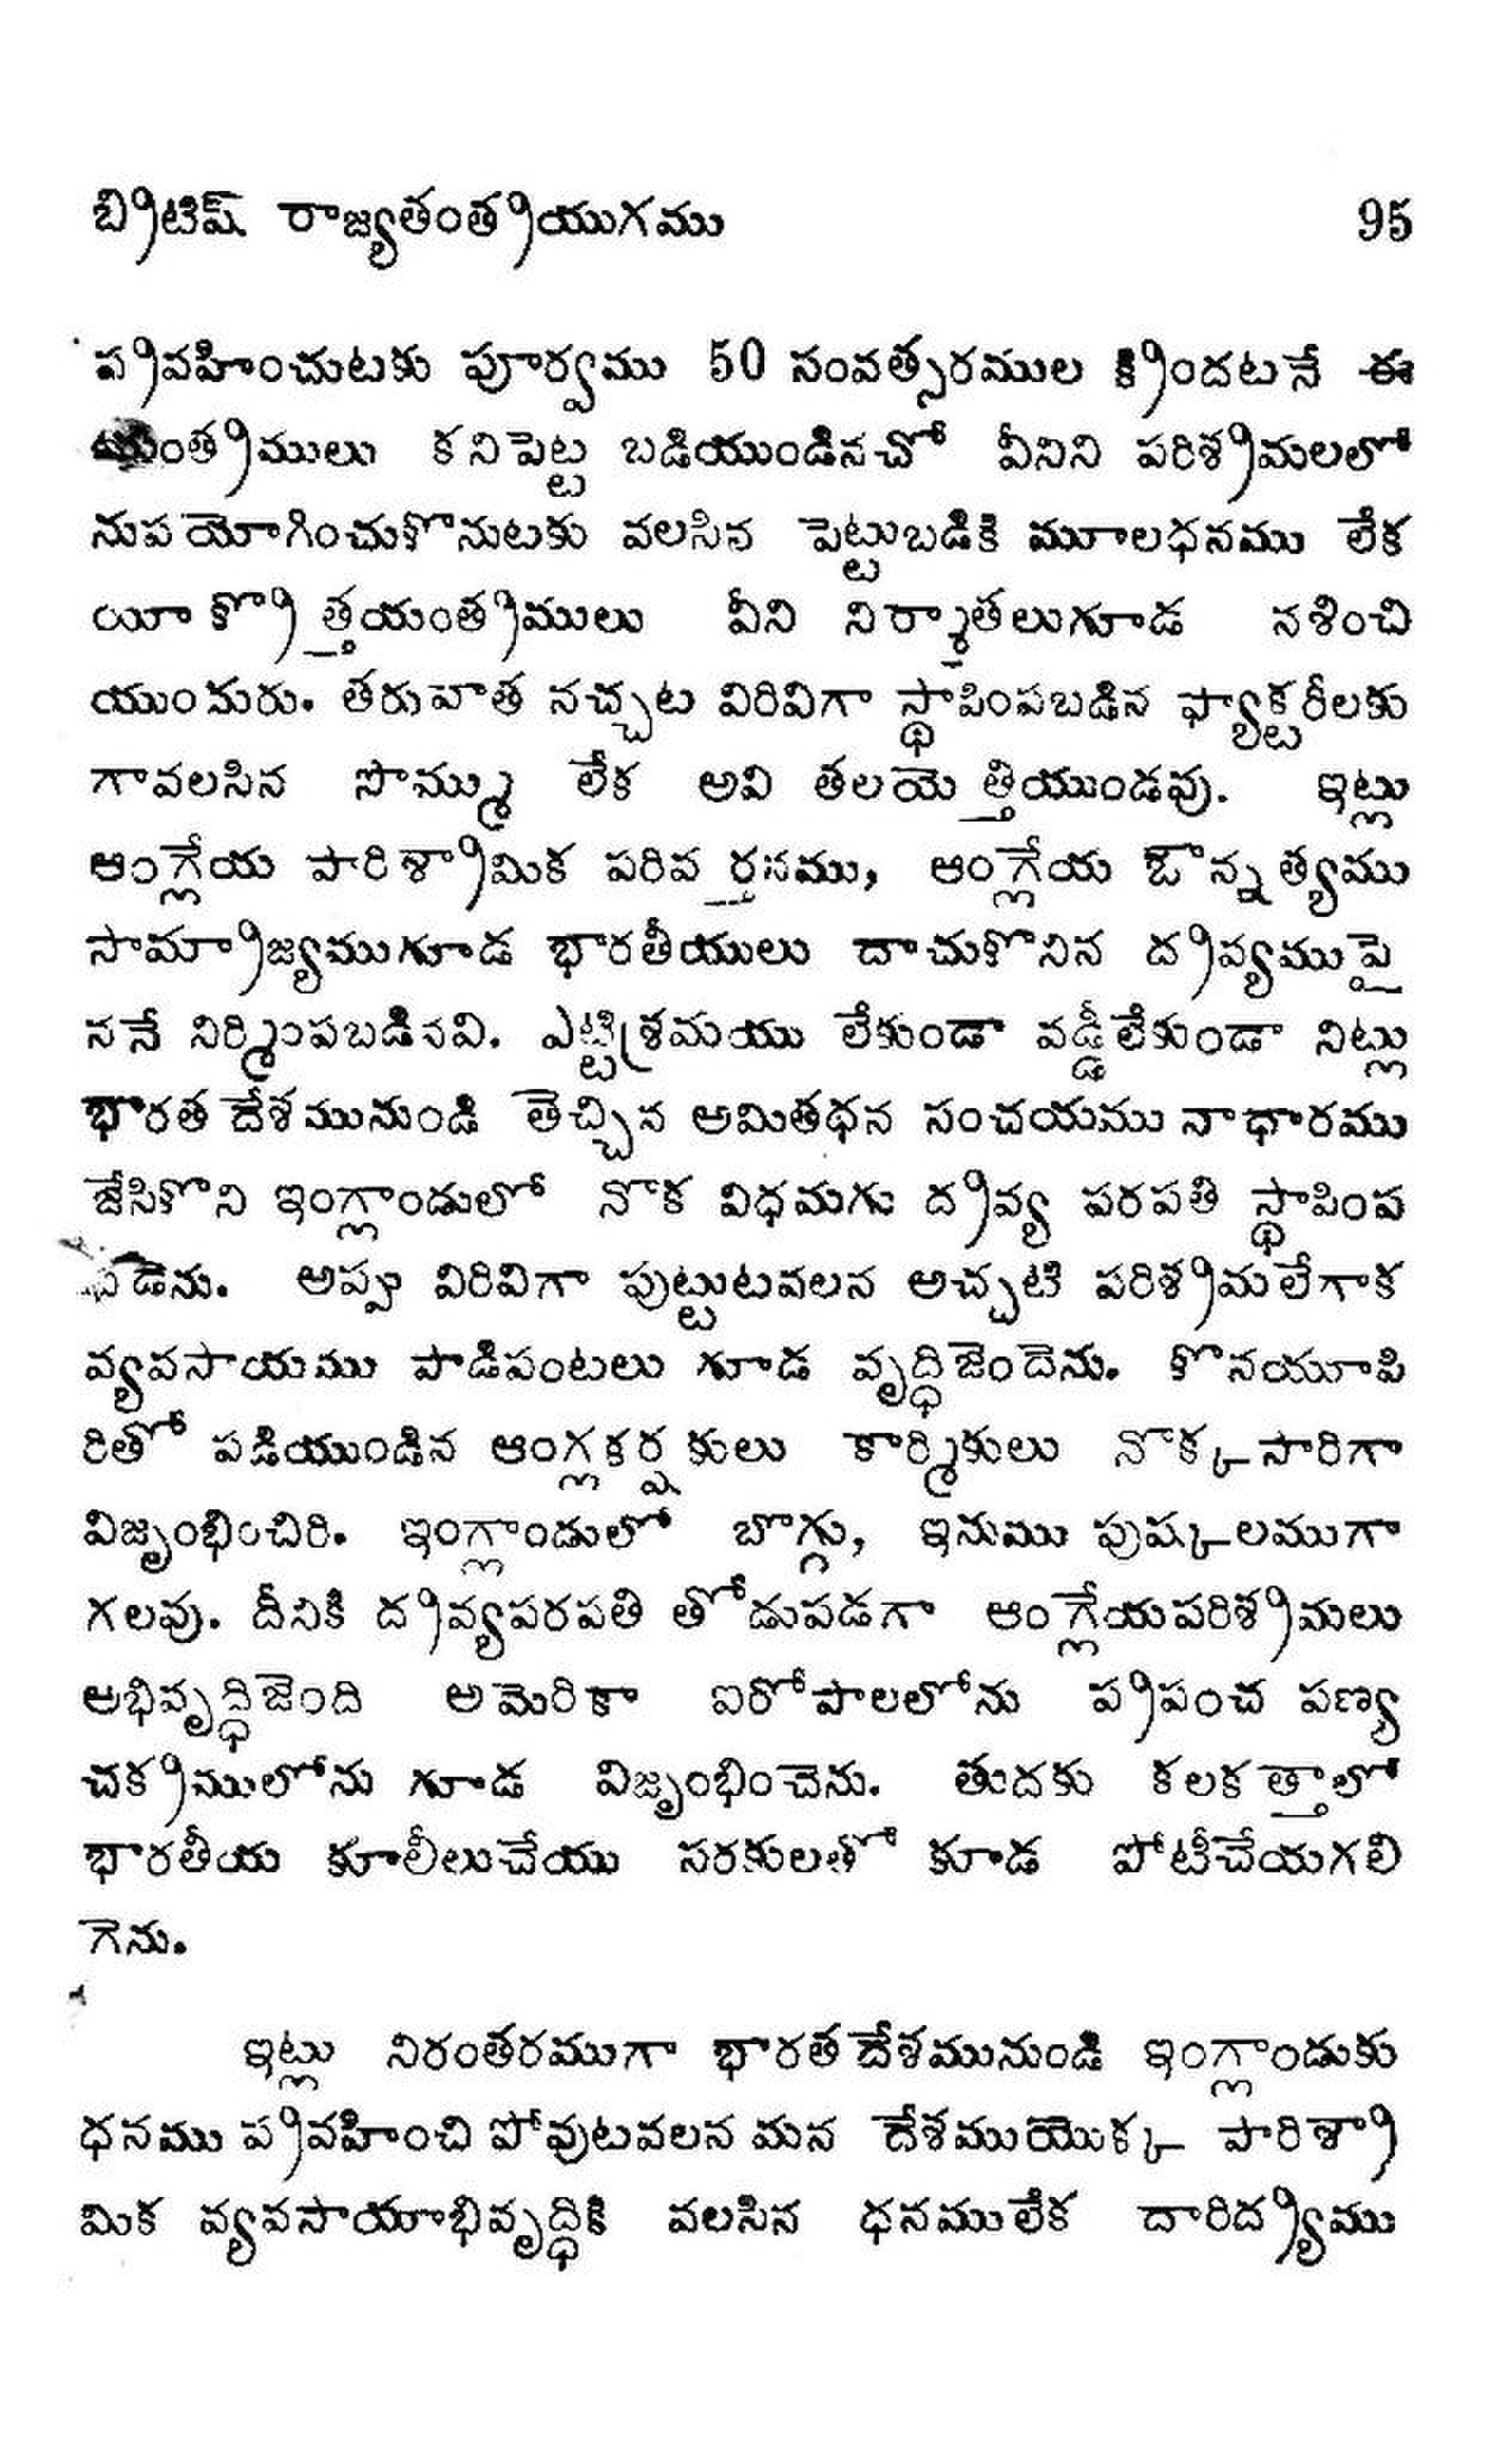ప్రవహించుటకు పూర్వము 50 సంవత్సరముల క్రిందటనే ఈ యంత్రములు కనిపెట్ట బడియుండినచో వీనిని పరిశ్రమలలో నుపయోగించుకొనుటకు వలసిన పెట్టుబడికి మూలధనము లేక యీక్రొత్తయంత్రములు వీని నిర్మాతలుగూడ నశించి యుందురు. తరువాత నచ్చట విరివిగా స్థాపింపబడిన ఫ్యాక్టరీలకు గావలసిన సొమ్ము లేక అవి తలయెత్తియుండవు. ఇట్లు ఆంగ్లేయ పారిశ్రామిక పరివర్తనము, ఆంగ్లేయ ఔన్నత్యము సామ్రాజ్యముగూడ భారతీయులు దాచుకొనిన ద్రవ్యముపైననే నిర్మింపబడినవి. ఎట్టిశ్రమయు లేకుండా వడ్డీ లేకుండా నిట్లు భారతదేశమునుండి తెచ్చిన అమితధన సంచయము నాధారము జేసికొని ఇంగ్లాండులో నొక విధమగు ద్రవ్య పరపతి స్థాపింపబడెను. అప్పు విరివిగా పుట్టుటవలన అచ్చటి పరిశ్రమలేగాక వ్యవసాయము పాడిపంటలు గూడ వృద్ధిజెందెను. కొనయూపిరితో పడియుండిన ఆంగ్లకర్షకులు కార్మికులు నొక్కసారిగా విజృంభించిరి. ఇంగ్లాండులో బొగ్గు, ఇనుము పుష్కలముగా గలవు. దీనికి ద్రవ్యపరపతి తోడుపడగా ఆంగ్లేయపరిశ్రమలు అభివృద్ధిజెంది అమెరికా ఐరోపాలలోను ప్రపంచ పణ్య చక్రములోను గూడ విజృంభించెను. తుదకు కలకత్తాలో భారతీయ కూలీలుచేయు సరకులతో కూడ పోటీచేయగలిగెను.

ఇట్లు నిరంతరముగా భారతదేశమునుండి ఇంగ్లాండుకు ధనము ప్రవహించి పోవుటవలన మన దేశముయొక్క పారిశ్రామిక వ్యవసాయాభివృద్ధికి వలసిన ధనములేక దారిద్ర్యము